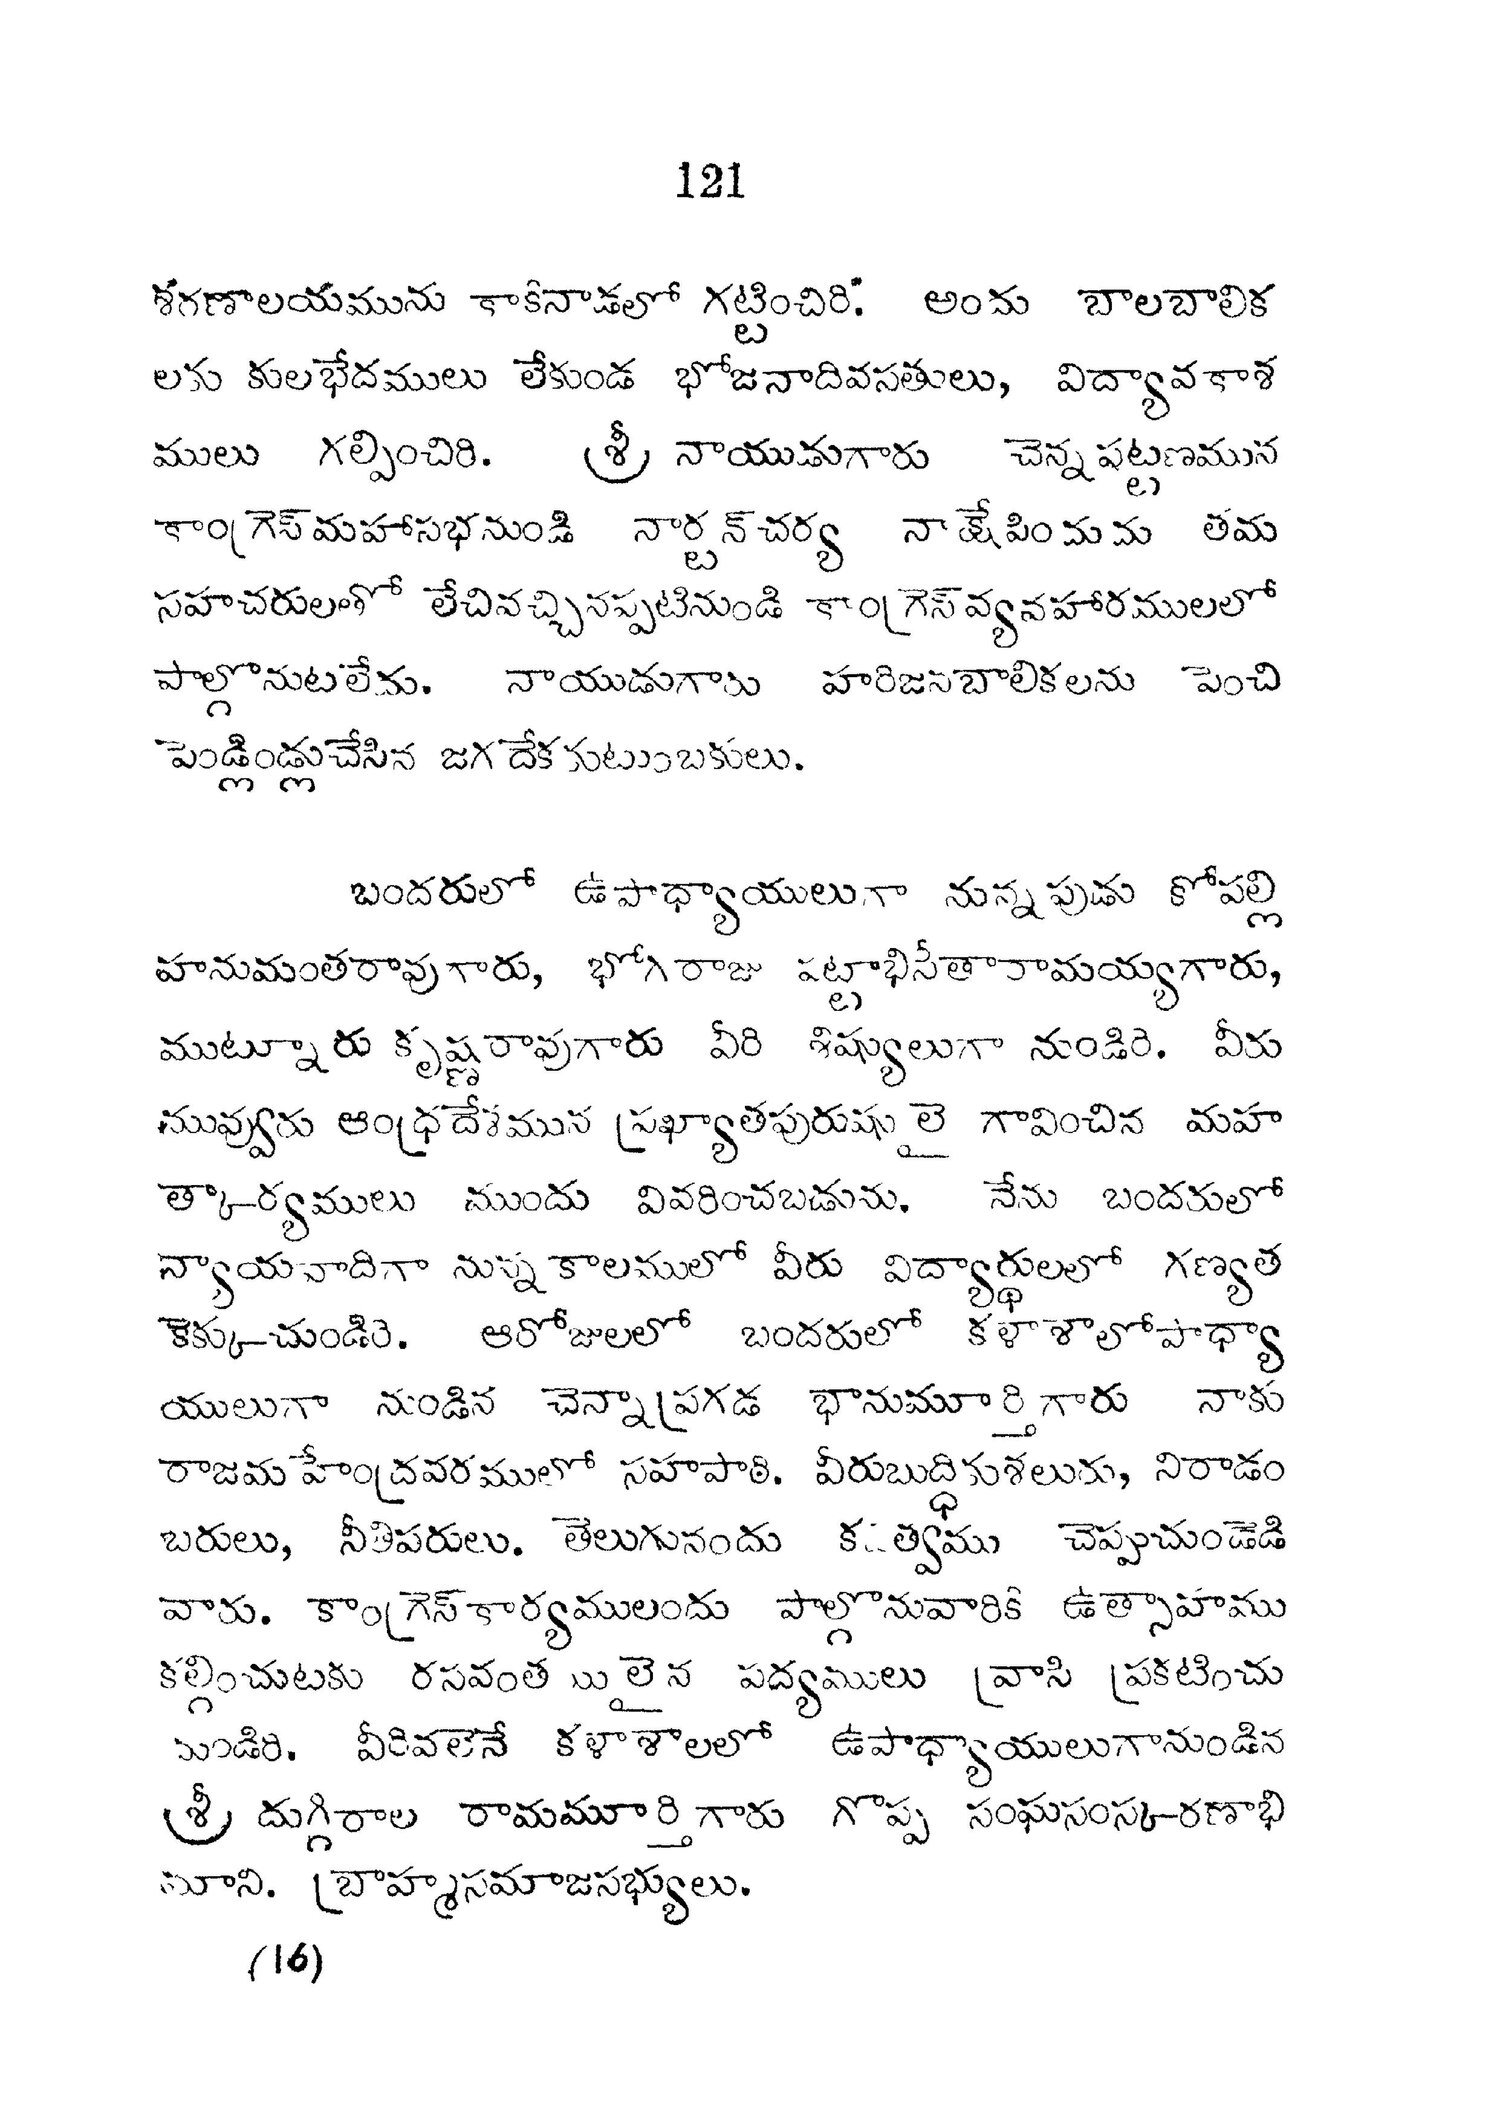శరణాలయమును కాకినాడలో గట్టించిరి. అందు బాలబాలికలకు కులభేదములు లేకుండ భోజనాదివసతులు, విద్యావకాశములు గల్పించిరి. శ్రీ నాయుడుగారు చెన్నపట్టణమున కాంగ్రెస్‌మహాసభనుండి నార్టన్‌చర్య నాక్షేపించుచు తమ సహచరులతో లేచివచ్చినప్పటినుండి కాంగ్రెస్‌వ్యవహారములలో పాల్గొనుటలేదు. నాయుడుగారు హరిజనబాలికలను పెంచి పెండ్లిండ్లుచేసిన జగదేకకుటుంబకులు.

బందరులో ఉపాధ్యాయులుగా నున్నపుడు కోపల్లి హనుమంతరావుగారు, భోగరాజు పట్టాభిసీతారామయ్యగారు, ముట్నూరు కృష్ణరావుగారు వీరి శిష్యులుగా నుండిరి. వీరు మువ్వురు ఆంధ్రదేశమున ప్రఖ్యాతపురుష్యులై గావించిన మహత్కార్యములు ముందు వివరించబడును. నేను బందరులో న్యాయవాదిగా నున్నకాలములో వీరు విద్యార్థులలో గణ్యత కెక్కుచుండిరి. ఆరోజులలో బందరులో కళాశాలోపాధ్యాయులుగా నుండిన చెన్నాప్రగడ భానుమూర్తిగారు నాకు రాజమహేంద్రవరములో సహపాఠి. వీరుబుద్ధికుశలురు, నిరాడంబరులు, నీతిపరులు. తెలుగునందు కవిత్వము చెప్పుచుండెడివారు. కాంగ్రెస్‌కార్యములందు పాల్గొనువారికి ఉత్సాహము కల్గించుటకు రసవంతములైన పద్యములు వ్రాసి ప్రకటించుచుండిరి. వీరివలెనే కళాశాలలో ఉపాధ్యాయులుగానుండిన శ్రీ దుగ్గిరాల రామమూర్తిగారు గొప్ప సంఘసంస్కరణాభిమాని. బ్రాహ్మసమాజసభ్యులు.